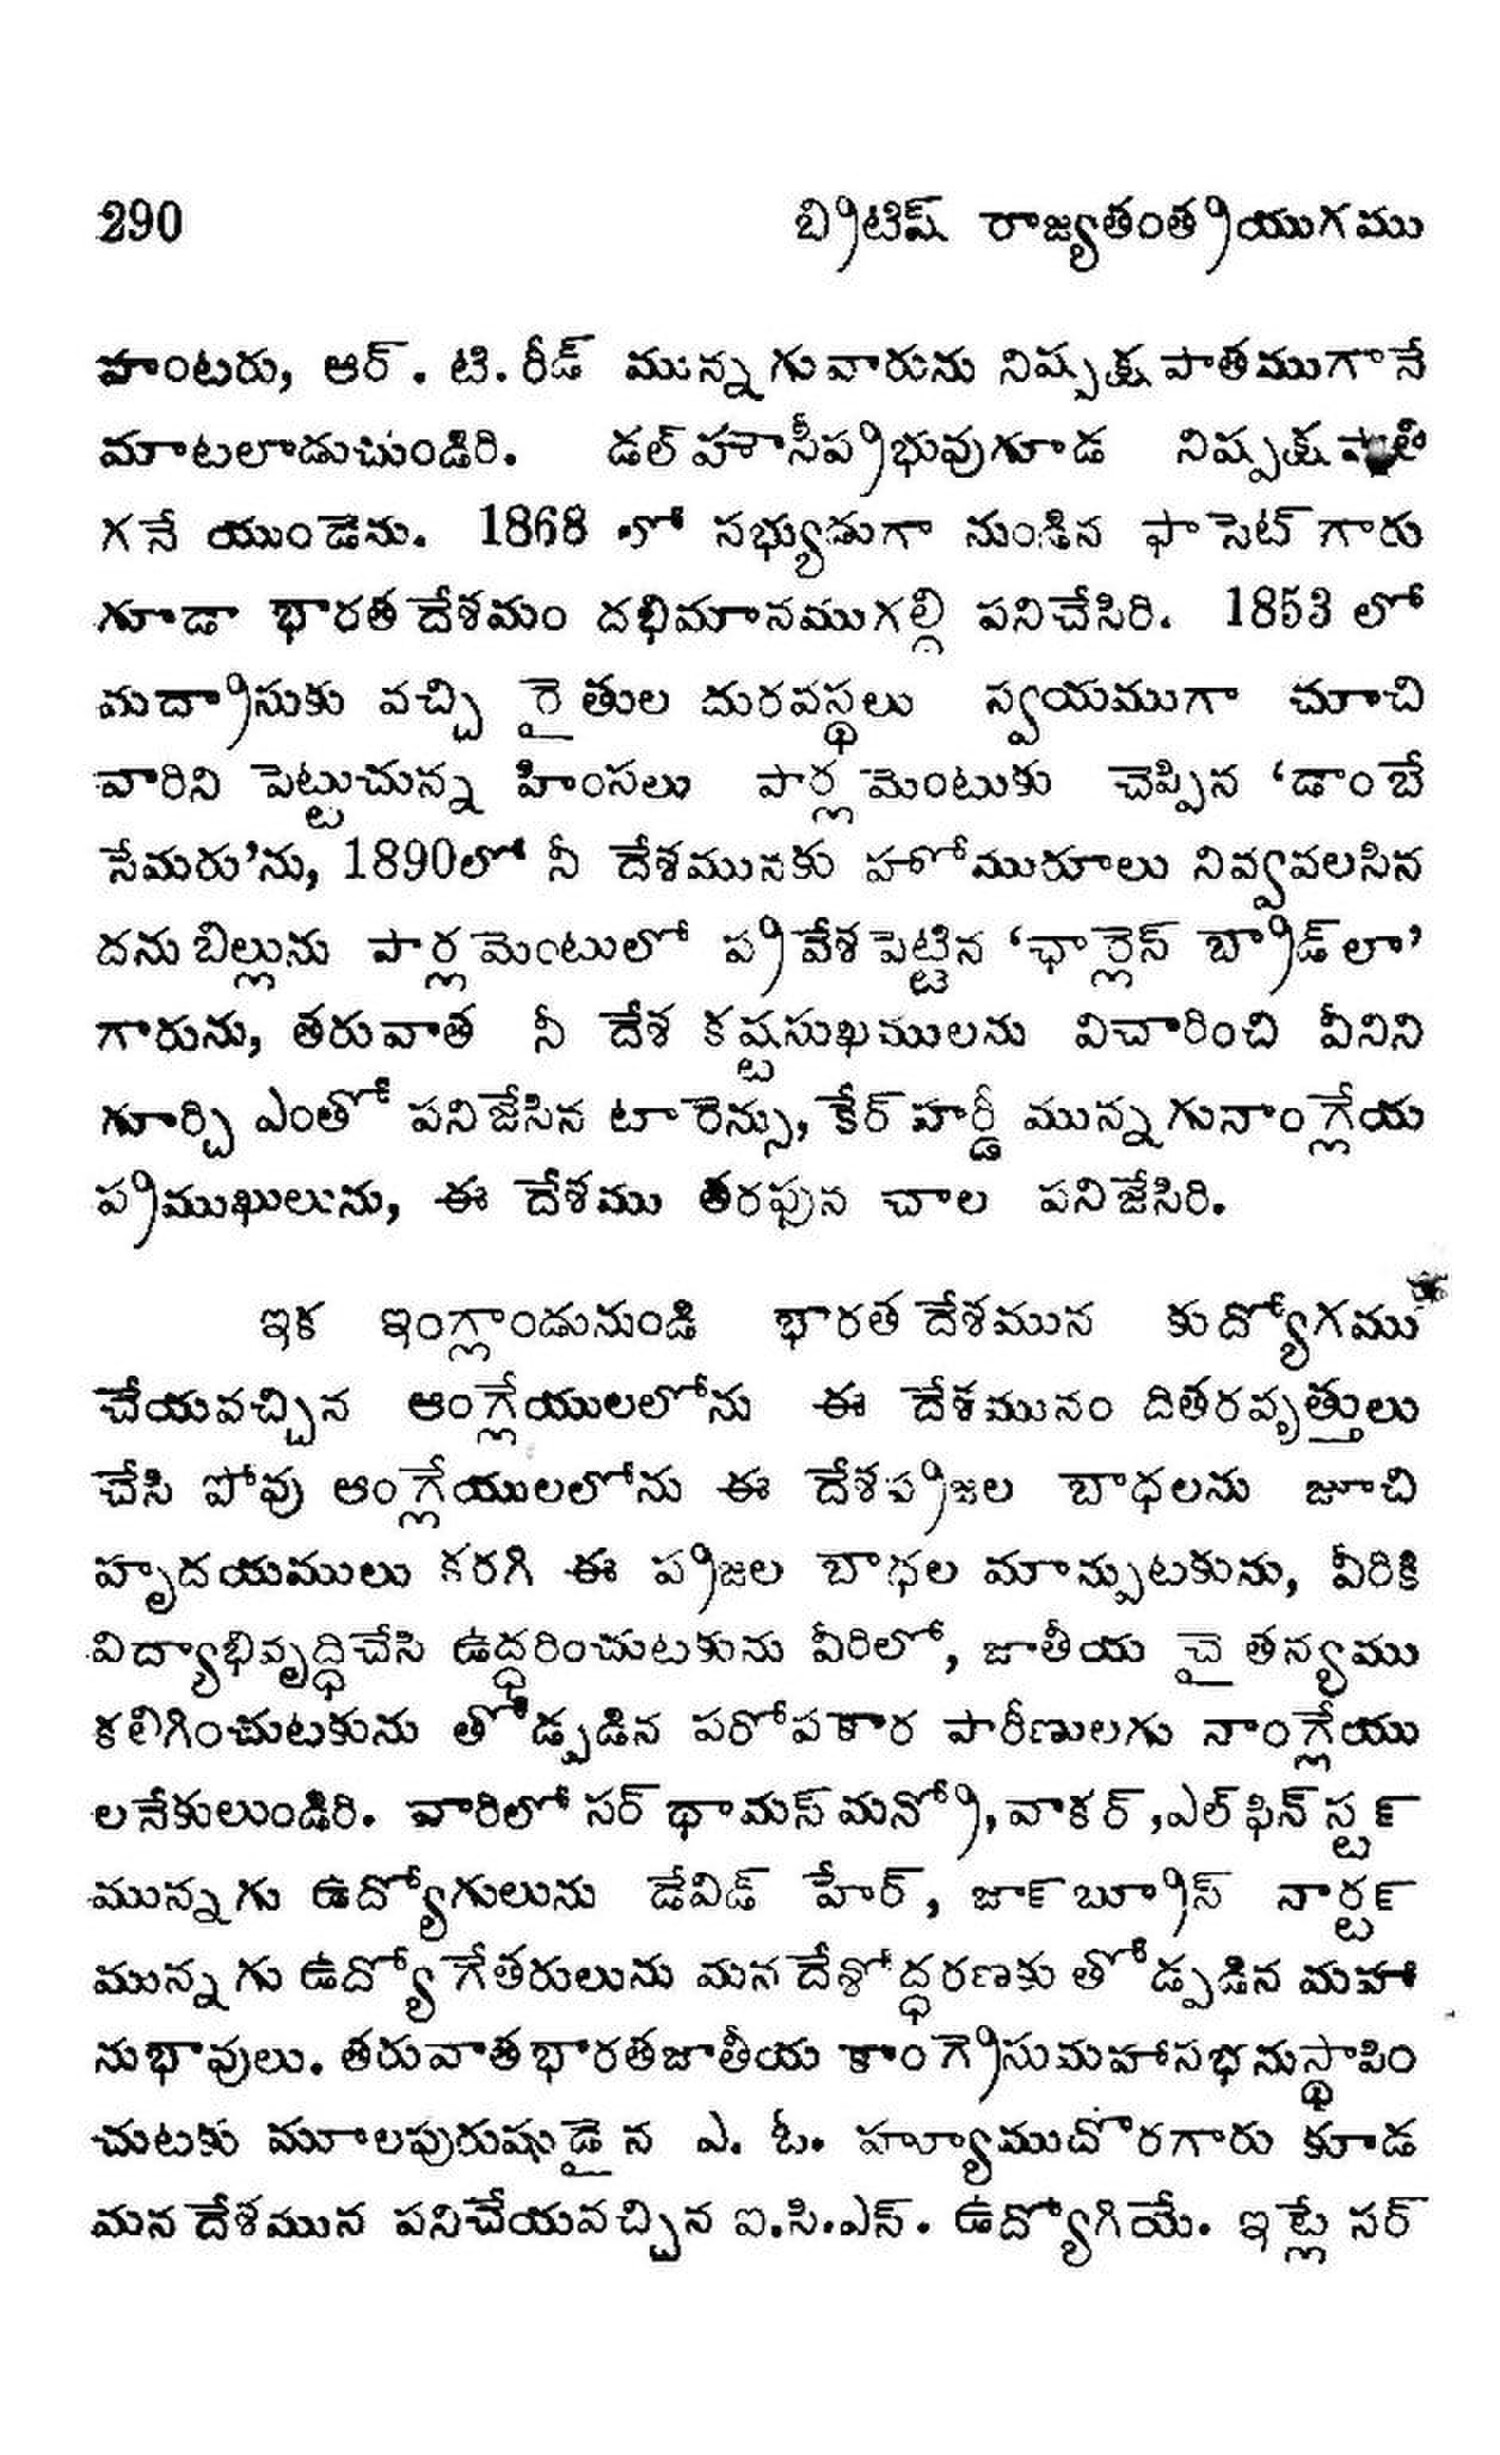హంటరు, ఆర్. టి. రీడ్ మున్నగువారును నిష్పక్షపాతముగానే మాటలాడుచుండిరి. డల్‌హౌసీప్రభువుగూడ నిష్పక్షపాతిగనే యుండెను. 1868 లో సభ్యుడుగా నుండిన ఫాసెట్‌గారు గూడా భారతదేశమం దభిమానముగల్గి పనిచేసిరి. 1853 లో మద్రాసుకు వచ్చి రైతుల దురవస్థలు స్వయముగా చూచి వారిని పెట్టుచున్న హింసలు పార్లమెంటుకు చెప్పిన 'డాంబే సేమరు'ను, 1890లో నీ దేశమునకు హోమురూలు నివ్వవలసిన దనుబిల్లును పార్లమెంటులో ప్రవేశపెట్టిన 'ఛార్లెస్ బ్రాడ్‌లా' గారును, తరువాత నీ దేశ కష్టసుఖములను విచారించి వీనిని గూర్చి ఎంతో పని జేసిన టారెన్సు, కేర్‌హర్డీ మున్నగునాంగ్లేయ ప్రముఖులును, ఈ దేశము తరఫున చాల పనిజేసిరి.

ఇక ఇంగ్లాండునుండి భారతదేశమున కుద్యోగము చేయవచ్చిన ఆంగ్లేయులలోను ఈ దేశమునం దితరవృత్తులు చేసి పోవు ఆంగ్లేయులలోను ఈ దేశప్రజల బాధలను జూచి హృదయములు కరగి ఈ ప్రజల బాధల మాన్పుటకును, వీరికి విద్యాభివృద్ధిచేసి ఉద్దరించుటకును వీరిలో, జాతీయ చైతన్యము కలిగించుటకును తోడ్పడిన పరోపకార పారీణులగు నాంగ్లేయు లనేకులుండిరి. వారిలో సర్ థామస్ మన్రో, వాకర్ ,ఎల్ ఫిన్ స్ట౯ మున్నగు ఉద్యోగులును డేవిడ్ హేర్ , జాక్ బ్రూస్ నార్ట౯ మున్నగు ఉద్యో గేతరులును మన దేశోద్ధరణకు తోడ్పడిన మహానుభావులు. తరువాతభారతజాతీయ కాంగ్రెసుమహాసభను స్థాపించుటకు మూలపురుషుడైన ఎ. ఓ. హ్యూముదొరగారు కూడ మనదేశమున పనిచేయవచ్చిన ఐ.సి.ఎస్. ఉద్యోగియే. ఇట్లే సర్